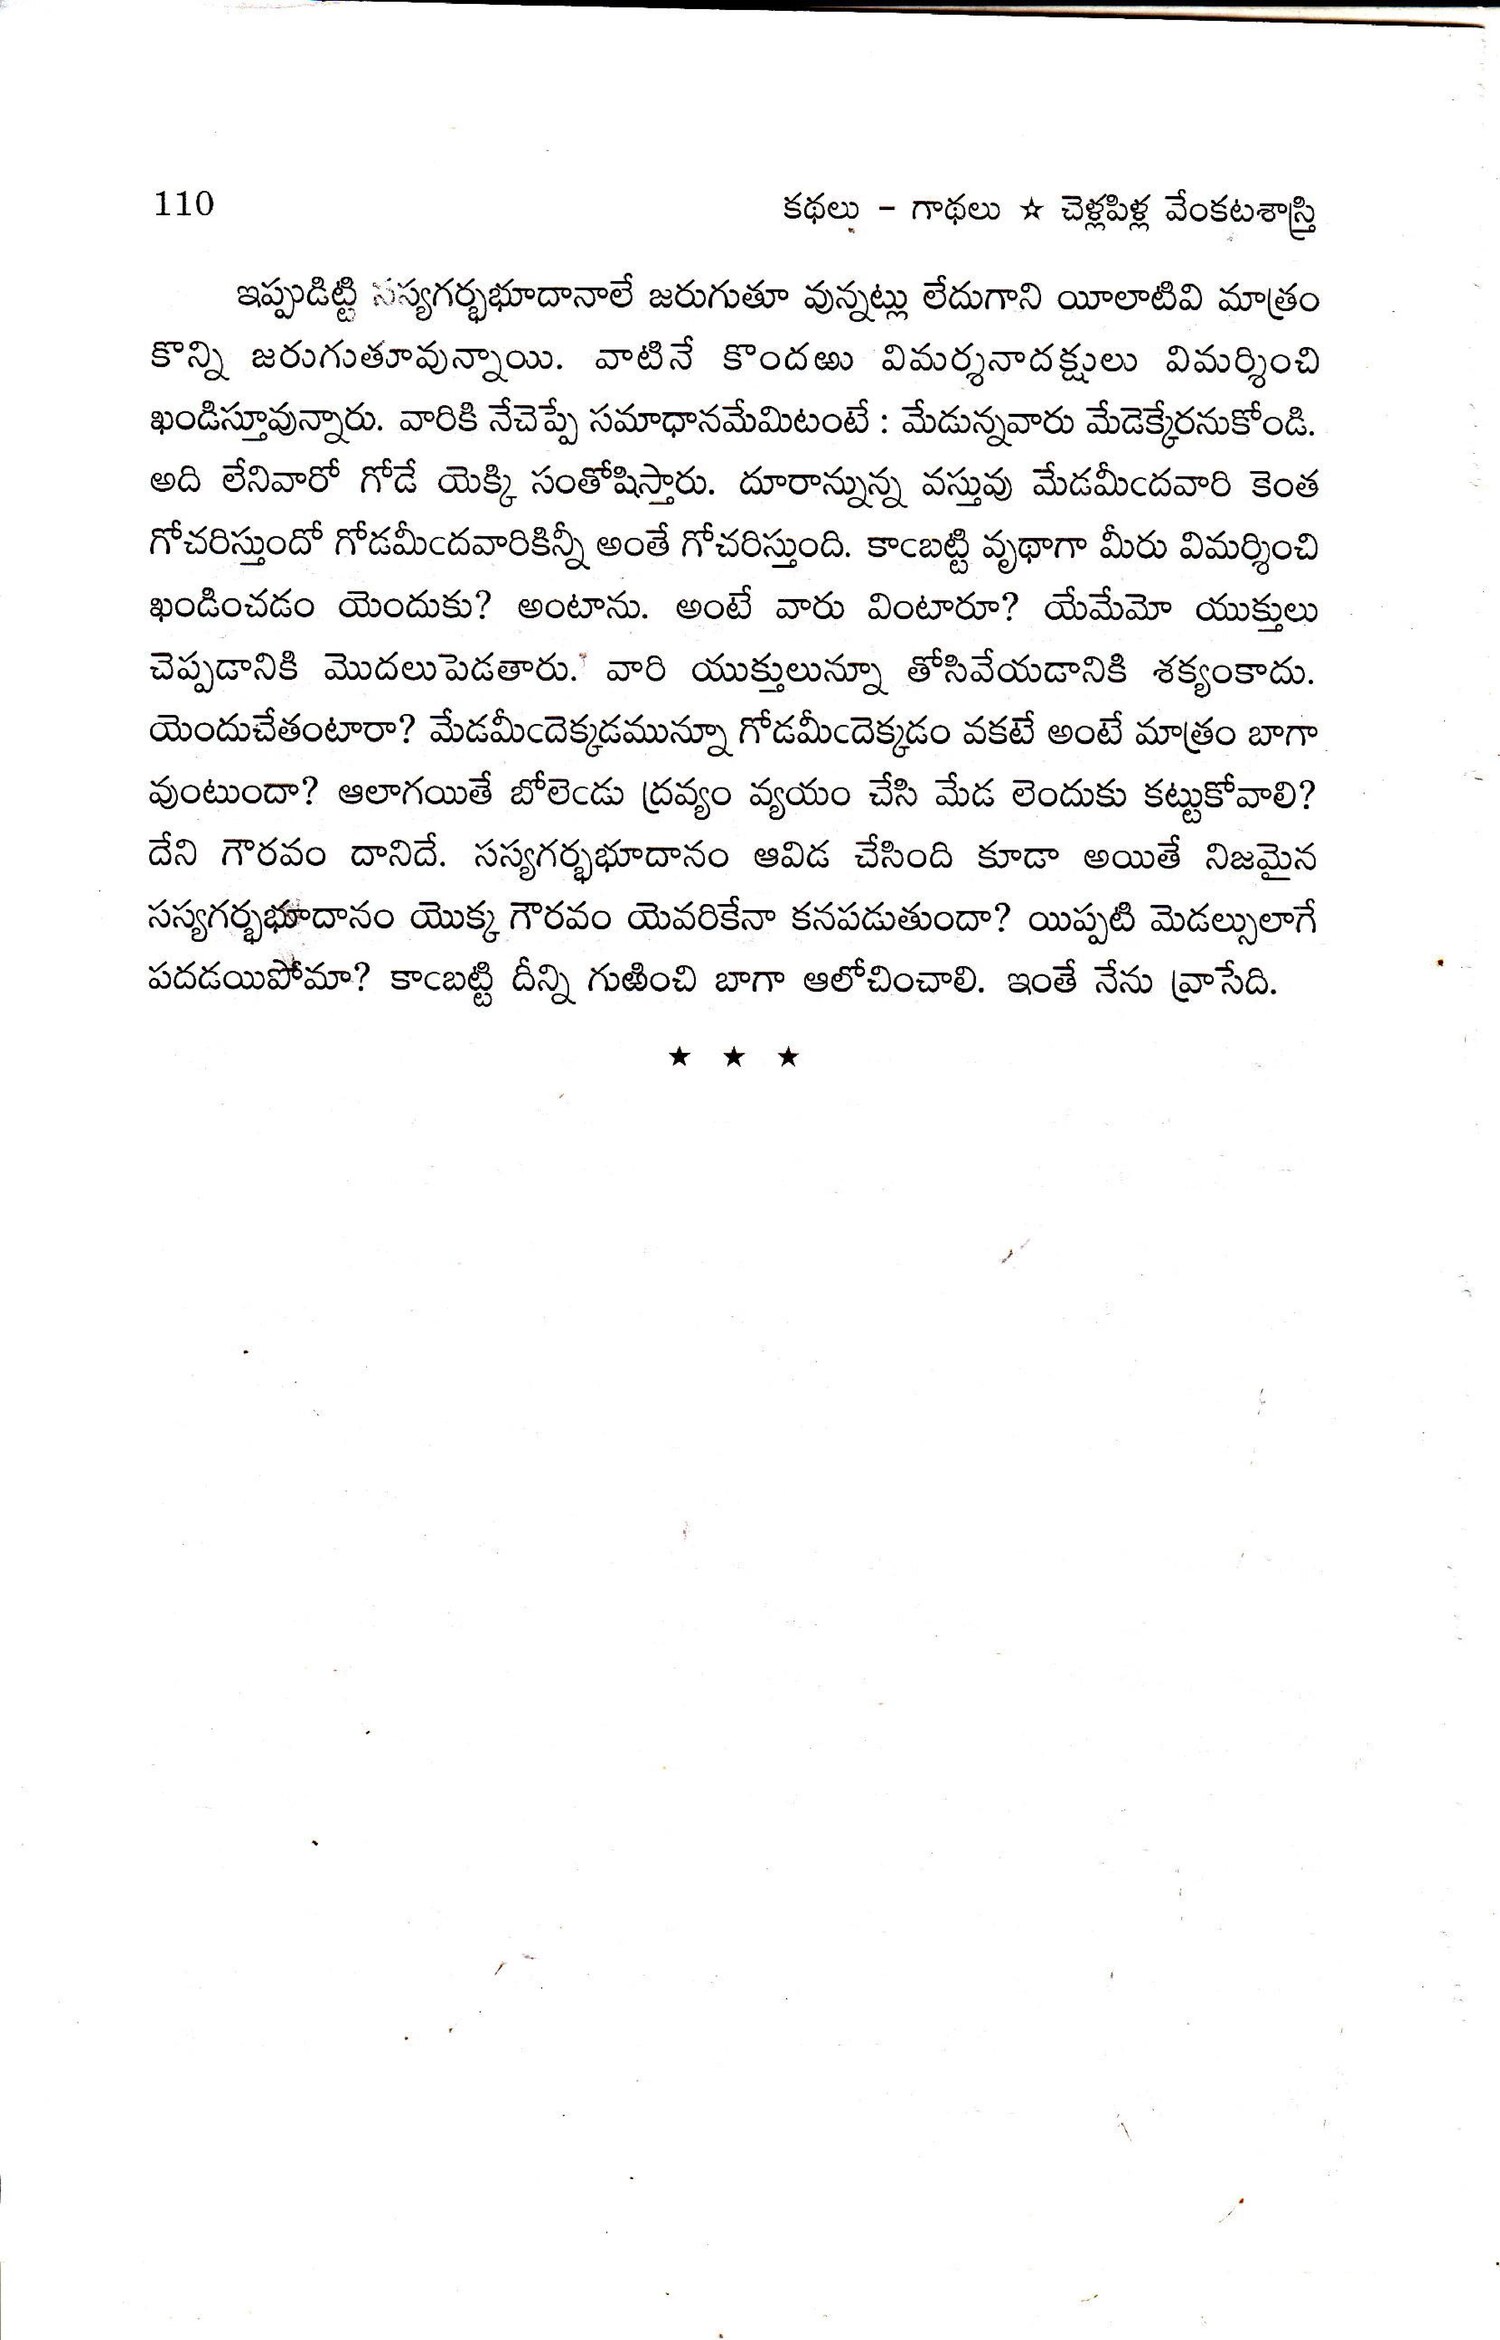ఇప్పడిట్టి సస్యగర్భభూదానాలే జరుగుతూ వున్నట్లు లేదుగాని యీలాటివి మాత్రం కొన్ని జరుగుతూవున్నాయి. వాటినే కొందఱు విమర్శనాదక్షులు విమర్శించి ఖండిస్తూవున్నారు. వారికి నేచెప్పే సమాధానమేమిటంటే : మేడున్నవారు మేడెకేరనుకోండి. అది లేనివారో గోడే యొక్కి సంతోషిస్తారు. దూరాన్నున్న వస్తువు మేడమీందవారి కెంత గోచరిస్తుందో గోడమీందవారికిన్నీ అంతే గోచరిస్తుంది. కాCబట్టి వృథాగా మీరు విమర్శించి ఖండించడం యెందుకు? అంటాను. అంటే వారు వింటారూ? యేమేమో యుక్తులు చెప్పడానికి మొదలుపెడతారు. వారి యుక్తులున్నూ తోసివేయడానికి శక్యంకాదు. యెందుచేతంటారా? మేడమీందెక్కడమున్నూ గోడమీందెక్కడం వకటే అంటే మాత్రం బాగా వుంటుందా? ఆలాగయితే బోలెండు ద్రవ్యం వ్యయం చేసి మేడ లెందుకు కట్టుకోవాలి? దేని గౌరవం దానిదే. సస్యగర్భభూదానం ఆవిడ చేసింది కూడా అయితే నిజమైన సస్యగర్భభూదానం యొక్క గౌరవం యెవరికేనా కనపడుతుందా? యిప్పటి మెడల్పులాగే పదడయిపోమా? కాcబట్టి దీన్ని గుటించి బాగా ఆలోచించాలి. ఇంతే నేను వ్రాసేది.